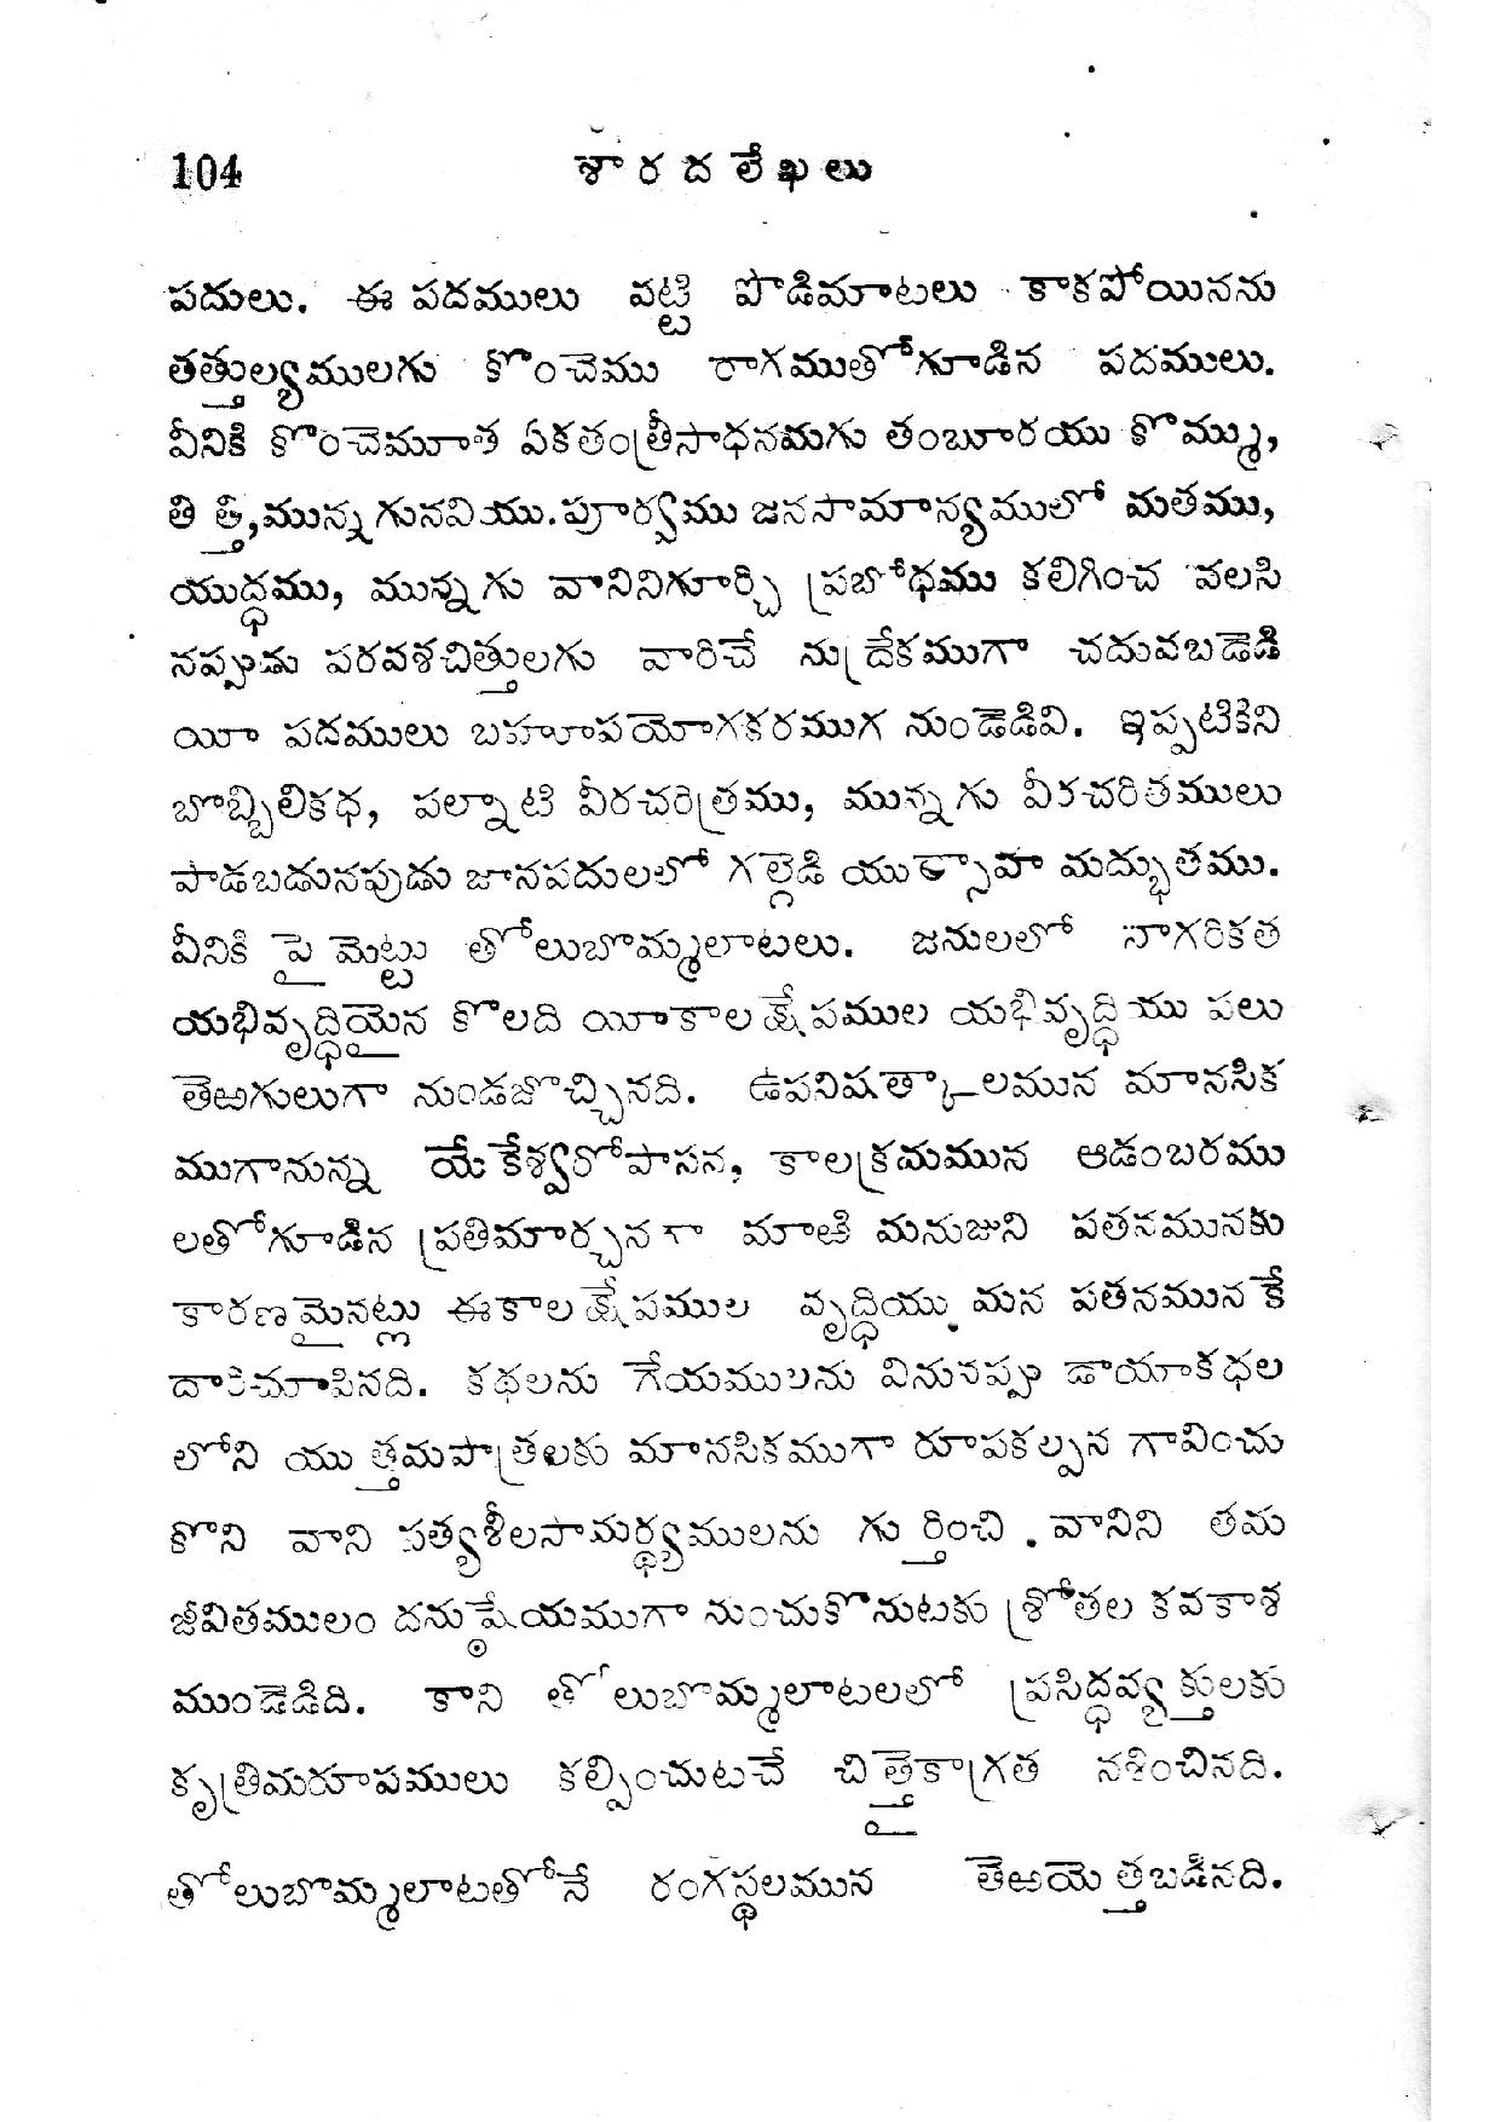పదులు. ఈ పదములు వట్టి పొడిమాటలు కాకపోయినను తత్తుల్యములగు కొంచెము రాగముతోగూడిన పదములు. వీనికి కొంచెమూత ఏకతంత్రీసాధనమగు తంబూరయు కొమ్ము, తిత్తి, మున్నగునవియు. పూర్వము జనసామాన్యములో మతము, యుద్ధము, మున్నగు వానినిగూర్చి ప్రబోధము కలిగించ వలసినప్పుడు పరవశచిత్తులగు వారిచే నుద్రేకముగా చదువబడెడి యీ పదములు బహూపయోగకరముగ నుండెడివి. ఇప్పటికిని బొబ్బిలికధ, పల్నాటి వీరచరిత్రము, మున్నగు వీరచరితములు పాడబడునపుడు జానపదులలో గల్గెడి యుత్సాహ మద్భుతము. వీనికి పై మెట్టు తోలుబొమ్మలాటలు. జనులలో నాగరికత
యభివృద్ధియైన కొలది యీకాలక్షేపముల యభివృద్ధియు పలు తెఱగులుగా నుండజొచ్చినది. ఉపనిషత్కాలమున మానసికముగానున్న యేకేశ్వరోపాసన, కాలక్రమమున ఆడంబరములతోగూడిన ప్రతిమార్చనగా మాఱి మనుజుని పతనమునకు కారణమైనట్లు ఈకాలక్షేపముల వృద్ధియు మన పతనమునకే
దారిచూపినది. కథలను గేయములను వినునప్పు డాయాకధలలోని యుత్తమపాత్రలకు మానసికముగా రూపకల్పన గావించుకొని వాని సత్యశీలసామర్థ్యములను గుర్తించి వానిని తమ జీవితములం దనుష్ఠేయముగా నుంచుకొనుటకు శ్రోతల కవకాశ ముండెడిది. కాని తోలుబొమ్మలాటలలో ప్రసిద్ధవ్యక్తులకు
కృత్రిమరూపములు కల్పించుటచే చిత్తైకాగ్రత నశించినది. తోలుబొమ్మలాటతోనే రంగస్థలమున తెఱయెత్తబడినది.